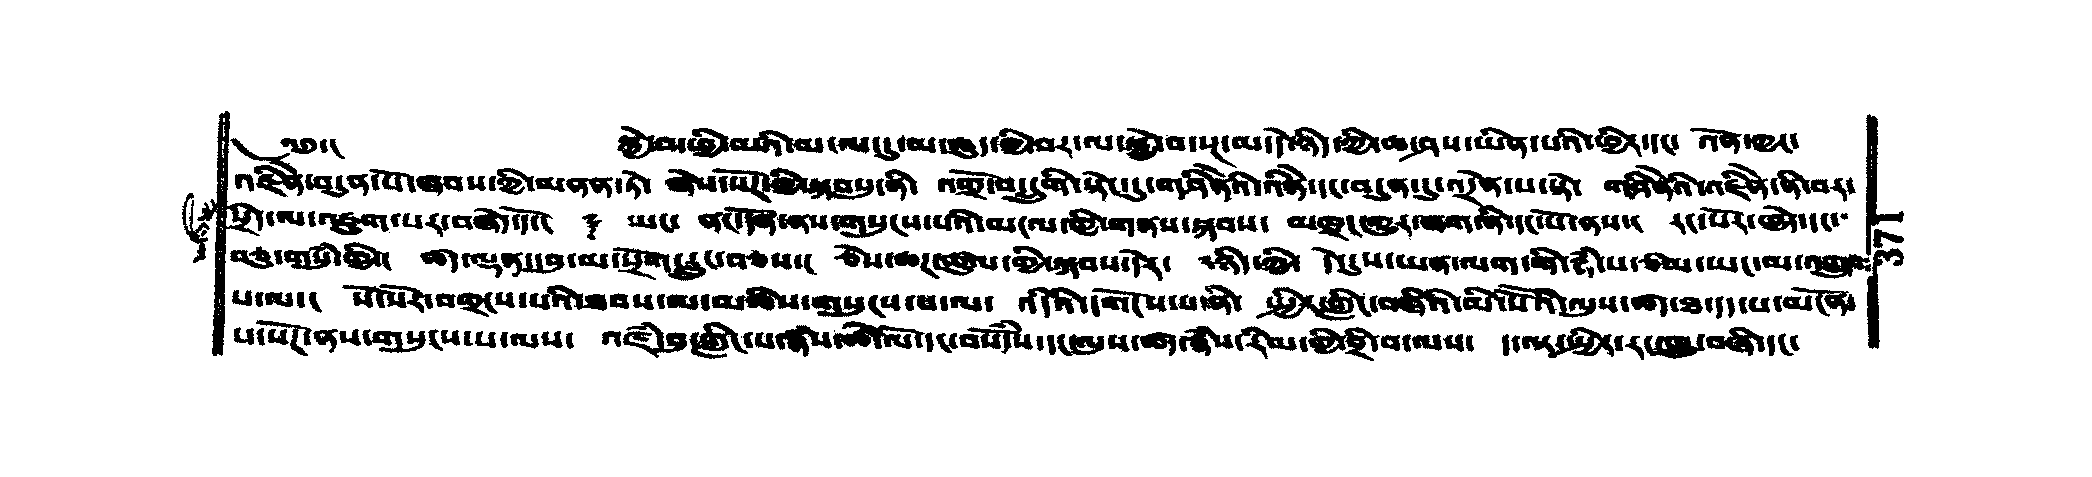སྐྱེ་བ་ཕྱི་མའི་མངལ་དུ་མ་ཆུད་ཀྱི་བར་ལ་སྐྱེ་བ་སྔ་མ་དེ་ཉིད་ཀྱི་ཆ་ཤས་ཡིན་པའི་ཕྱིར་དང་།འོན་ཀྱང་
འཇིག་རྟེན་བདུན་པོ་ཞབས་ཀྱི་མནན་ཏེ། ཞེས་སོགས་ཀྱི་སྐབས་སུ་ནི། འགྲོ་བ་དྲུག་གི་སྟེང་དུ་གཤིན་རྗེའི་འཇིག་རྟེན་དང་བདུན་དུ་འདྲེན་པ་སྟེ། གཤིན་རྗེའི་འཇིག་རྟེན་ནི་བར་
སྲིད་ལ་འཇུག་པར་བཞེད་དོ། ༈ ཡང་། ནང་དོན་ནས་གསུངས་པའི་མངལ་གྱི་གནས་སྐབས། མཁྲང་གྱུར་ཞག་ནི་དང་པོ་ནས། །རང་སོར་ཕྱེར་དང་
བཅུ་གསུམ་གྱི། །ཚད་ལྡན་དབུ་མ་སྲོག་རླུང་བཅས། ཅེས་ཆགས་ཚུལ་གྱི་སྐབས་དེར་ཉིད་ཀྱི། དེ་དུས་ཡན་ལག་གི་རྣམ་པ་ཙམ་ཡང་མ་འགྲུབ་
པ་ལ། སོ་སོར་བགྲང་པའི་ཐབས་མ་མཆིས་གསུངས་པ་ལ། འདིའི་དགོངས་པ་ནི། སྤྱིར་གླིང་བཞིའི་མི་སོ་སོའི་ལུས་ཚད་ཐ་དད་པ་མངོན་
པ་སོགས་ནས་གསུངས་པ་ལས། འཛམ་བུ་གླིང་པ་རྣམས་ཚེ་ལོ་དང་བསོད་ནམས་དང་ལུས་ཚད་རྣམས་རིམ་གྱི་བྲི་བ་ལས། ད་ལྟར་སྤྱིར་རང་ཁྲུ་བཞི་དང་།